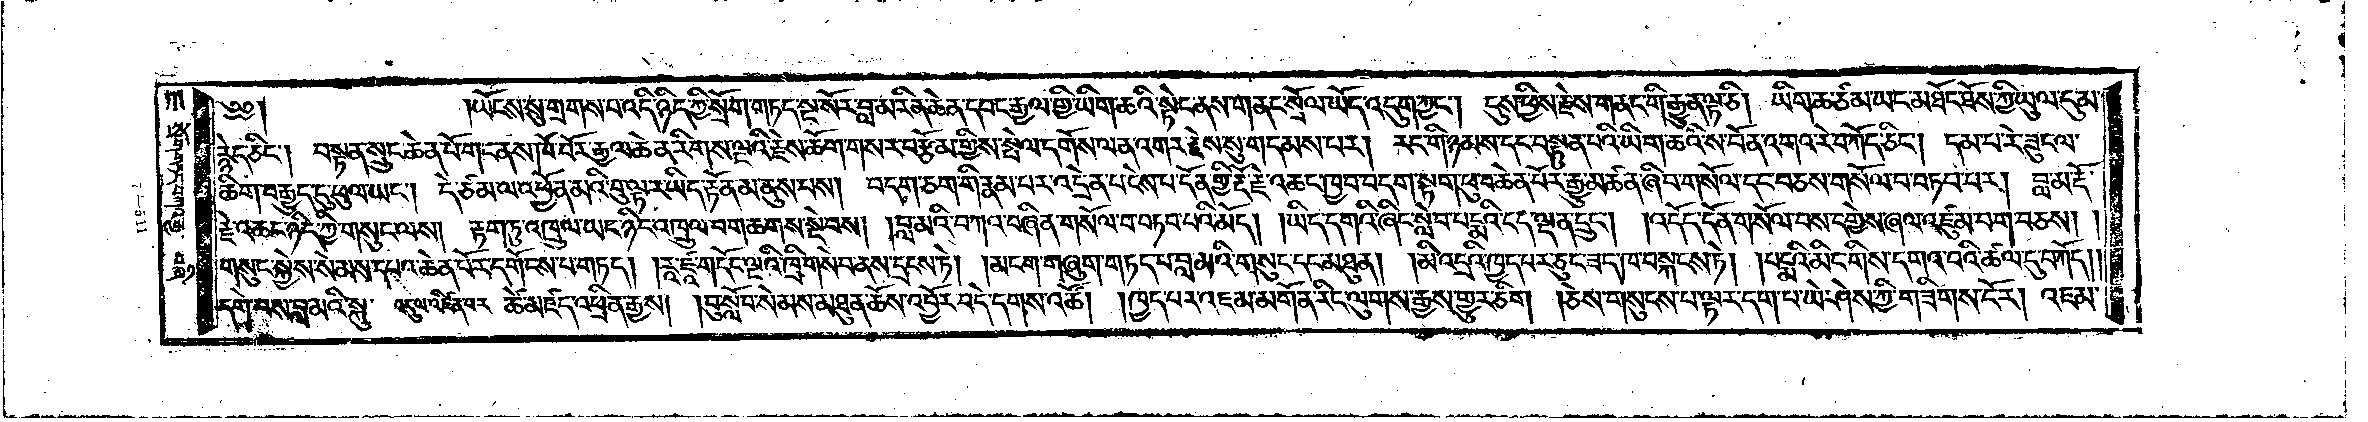༄༅། །ཡོངས་སུ་གྲགས་པ་འདི་ཉིད་ཀྱི་སྲོག་གཏད་སྔ་སོར་བླ་མ་རིན་ཆེན་དབང་རྒྱལ་གྱི་ཡིག་ཆའི་སྟེང་ནས་གནང་སྲོལ་ཡོད་འདུག་ཀྱང་། དུས་ཕྱིས་རྗེས་གནང་གི་རྒྱུན་ལྟ་ཅི། ཡིག་ཆ་ཙམ་ཡང་མཐོང་ཐོས་ཀྱི་ཡུལ་དུ་མ་
རྙེད་ཅིང་། བསྟན་སྲུང་ཆེན་པོ་གང་ནས་ཁོ་བོར་རྒྱལ་ཆེན་རིགས་ལྔའི་རྗེས་ཆོག་གསར་བརྩོམ་གྱིས་སྤེལ་དགོས་ལན་འགར་རྗེས་སུ་གདམས་པར། རང་གི་ཉམས་དང་བསྟུན་པའི་ཡིག་ཆའི་ས་བོན་འགའ་རེ་བཀོད་ཅིང་། དམ་པ་རེ་ཟུང་ལ་
ཆིག་བརྒྱུད་དུ་ཕུལ་ཡང་། དེ་ཙམ་ལ་འཕྱོན་མའི་བུ་ལྟར་ཡིད་རྟོན་མ་ནུས་པས། བདག་ཅག་གི་རྣམ་པར་འདྲེན་པ་ངེས་པ་དོན་གྱི་རྡོ་རྗེ་འཆང་ཁྱབ་བདག་སྟག་ཕུ་བ་ཆེན་པོར་རྒྱུ་མཚན་ཞིབ་གསོལ་དང་བཅས་གསོལ་བ་བཏབ་པར། བླ་མ་རྡོ་
རྗེ་འཆང་ཉིད་ཀྱི་གསུང་ལས། རྟག་ཏུ་འཁྲུལ་ཡང་ཉིད་འཁྲུལ་བག་ཆགས་སྡེ་བས། །བླ་མའི་བཀའ་བཞིན་གསོལ་བ་བཏབ་པའི་མོད། །ཡིད་དགའི་ཞིང་སླེབ་པདམའི་ངད་ལྡན་དྲུང་། །འདོད་དོན་གསོལ་བས་དགྱེས་ཞལ་འཛུམ་བག་བཅས། །
གསུང་སྐྱེས་སེམས་དཔའ་ཆེན་པོར་དགོངས་པ་གཏད། །རཱ་ཛཱ་གདོང་ལྔའི་ཁྲི་གསེབ་ནས་དྲངས་ཏེ། །མངག་གཞུག་གཏད་པ་བླ་མའི་གསུང་དང་མཐུན། །མི་འདྲའི་ཁྱད་པར་ཅུང་ཟད་ཁ་བསྐངས་ཏེ། །པདམའི་མིང་གིས་དགའ་བའི་ཚལ་དུ་བཀོད། །
དགེ་བས་བླ་མའི་སྐུ་འདུལ་འཛིན་པར་ཚེ་མཛད་འཕྲིན་རྒྱས། །བུ་སློབ་སེམས་མཐུན་ཆོས་འབྱོར་བདེ་དགས་འཚོ། །ཁྱད་པར་འཇམ་མགོན་རིང་ལུགས་རྒྱས་གྱུར་ཅིག །ཅེས་གསུངས་པ་ལྟར་དག་པ་ཡེ་ཤེས་ཀྱི་གཟིགས་ངོར། འཇམ་